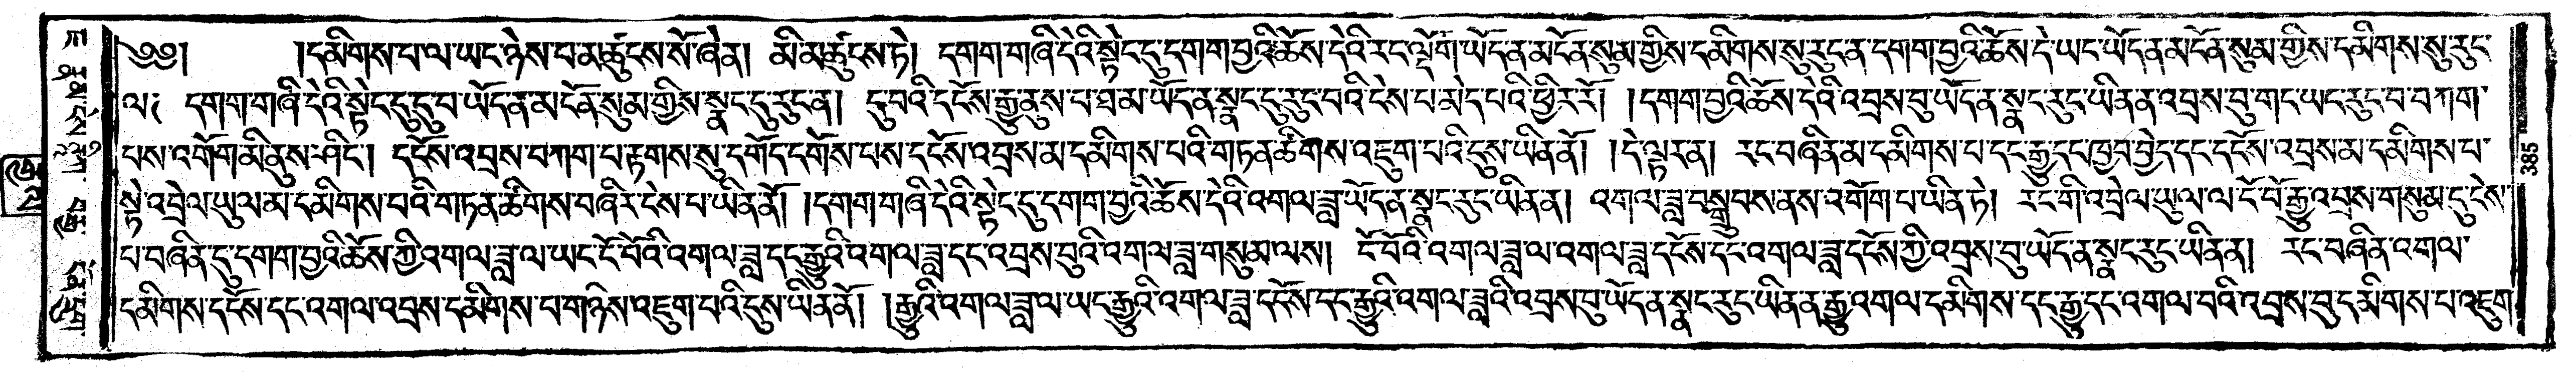༄༅། །དམིགས་པ་ལ་ཡང་ཉེས་པ་མཚུངས་སོ་ཞེ་ན། མི་མཚུངས་ཏེ། དགག་གཞི་དེའི་སྟེང་དུ་དགག་བྱའི་ཆོས་དེའི་རང་ལྡོག་ཡོད་ན་མངོན་སུམ་གྱིས་དམིགས་སུ་རུང་ན་དགག་བྱའི་ཆོས་དེ་ཡང་ཡོད་ན་མངོན་སུམ་གྱིས་དམིགས་སུ་རུང་
ལ། དགག་གཞི་དེའི་སྟེང་དུ་དུ་བ་ཡོད་ན་མངོན་སུམ་གྱིས་སྣང་དུ་རུང་ན། དུ་བའི་དངོས་རྒྱུ་ནུས་པ་ཐ་མ་ཡོད་ན་སྣང་དུ་རུང་བའི་ངེས་པ་མེད་པའི་ཕྱིར་རོ། །དགག་བྱའི་ཆོས་དེའི་འབྲས་བུ་ཡོད་ན་སྣང་རུང་ཡིན་ན་འབྲས་བུ་གང་ཡང་རུང་བ་བཀག་
པས་འགོག་མི་ནུས་ཤིང་། དངོས་འབྲས་བཀག་པ་རྟགས་སུ་དགོད་དགོས་པས་དངོས་འབྲས་མ་དམིགས་པའི་གཏན་ཚིགས་འཇུག་པའི་དུས་ཡིན་ནོ། །དེ་ལྟར་ན། རང་བཞིན་མ་དམིགས་པ་དང་རྒྱུ་དང་ཁྱབ་བྱེད་དང་དངོས་འབྲས་མ་དམིགས་པ་
སྟེ་འབྲེལ་ཡུལ་མ་དམིགས་པའི་གཏན་ཚིགས་བཞིར་ངེས་པ་ཡིན་ནོ། །དགག་གཞི་དེའི་སྟེང་དུ་དགག་བྱའི་ཆོས་དེའི་འགལ་ཟླ་ཡོད་ན་སྣང་རུང་ཡིན་ན། འགལ་ཟླ་བསྒྲུབས་ནས་འགོག་པ་ཡིན་ཏེ། རང་གི་འབྲེལ་ཡུལ་ལ་ངོ་བོ་རྒྱུ་འབྲས་གསུམ་དུ་ངེས་
པ་བཞིན་དུ་དགག་བྱའི་ཆོས་ཀྱི་འགལ་ཟླ་ལ་ཡང་ངོ་བོའི་འགལ་ཟླ་དང་རྒྱུའི་འགལ་ཟླ་དང་འབྲས་བུའི་འགལ་ཟླ་གསུམ་ལས། ངོ་བོའི་འགལ་ཟླ་ལ་འགལ་ཟླ་དངོས་དང་འགལ་ཟླ་དངོས་ཀྱི་འབྲས་བུ་ཡོད་ན་སྣང་རུང་ཡིན་ན། རང་བཞིན་འགལ་
དམིགས་དངོས་དང་འགལ་འབྲས་དམིགས་པ་གཉིས་འཇུག་པའི་དུས་ཡིན་ནོ། །རྒྱུའི་འགལ་ཟླ་ལ་ཡང་རྒྱུའི་འགལ་ཟླ་དངོས་དང་རྒྱུའི་འགལ་ཟླའི་འབྲས་བུ་ཡོད་ན་སྣང་རུང་ཡིན་ན་རྒྱུ་འགལ་དམིགས་དང་རྒྱུ་དང་འགལ་བའི་འབྲས་བུ་དམིགས་པ་འཇུག་